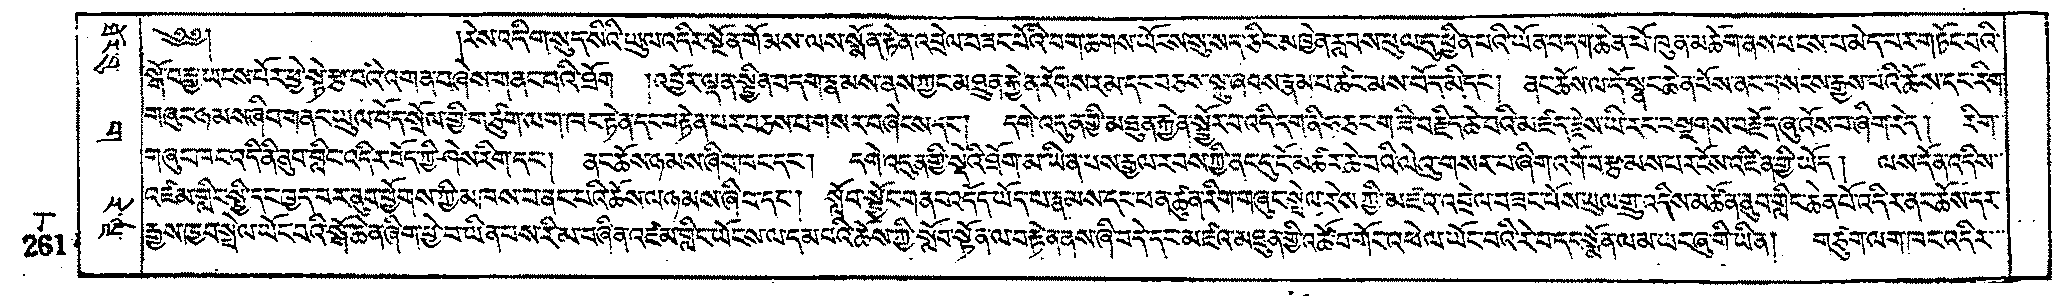༄༅། །རེས་འདི་ག་སུད་སིའི་ཡུལ་འདིར་སྔོན་གོམས་ལས་སྨོན་རྟེན་འབྲེལ་བཟང་པོའི་བག་ཆགས་ཡོངས་སུ་སད་ཅིང་མཁྱེན་རླབས་ཕུལ་དུ་ཕྱིན་པའི་ཡོན་བདག་ཆེན་པོ་ཁུན་མཆོག་ནས་ཕངས་པ་མེད་པར་གཏོང་བའི་
སྒོ་བརྒྱ་ཡངས་པོར་ཕྱེ་སྟེ་རྩ་བའི་འགན་བཞེས་གནང་བའི་ཐོག །འབྱོར་ལྡན་སྦྱིན་བདག་རྣམས་ནས་ཀྱང་མཐུན་རྐྱེན་རོགས་རམ་དང་བཅས་སྐུ་ཞབས་རྣམ་པ་ཚང་མས་བོད་མི་དང་། ནང་ཆོས་ལ་དོ་སྣང་ཆེན་པོས་ནང་པ་སངས་རྒྱས་པའི་ཆོས་དང་རིག་
གཞུང་ཉམས་ཞིབ་གནང་ཡུལ་བོད་སྲོལ་གྱི་གཙུག་ལག་ཁང་རྟེན་དང་བརྟེན་པར་བཅས་པ་གསར་བཞེངས་དང་། དགེ་འདུན་གྱི་མཐུན་རྐྱེན་སྦྱོར་བ་འདི་དག་ནི་ཧ་ཅང་གཟི་བརྗིད་ཆེ་བའི་མཛད་རྗེས་ཡི་རང་བསྔགས་བརྗོད་ཞུ་འོས་པ་ཞིག་རེད། རིག་
གཞུང་ཁང་འདི་ནི་ནུབ་གླིང་འདིར་བོད་ཀྱི་ཤེས་རིག་དང་། ནང་ཆོས་ཉམས་ཞིབ་ཁང་དང་། དགེ་འདུན་གྱི་སྡེའི་ཐོག་མ་ཡིན་པས་རྒྱལ་རབས་ཀྱི་ནང་དུ་ངོ་མཚར་ཆེ་བའི་ལེའུ་གསར་པ་ཞིག་འགོ་བརྩམས་པར་ངོས་འཛིན་གྱི་ཡོད། ལས་དོན་འདིས་་་
འཛམ་གླིང་སྤྱི་དང་ཁྱད་པར་ནུབ་ཕྱོགས་ཀྱི་མཁས་པ་ནང་པའི་ཆོས་ལ་ཉམས་ཞིབ་དང་། སློབ་སྦྱོང་གནང་འདོད་ཡོད་པ་རྣམས་དང་ཕན་ཚུན་རིག་གཞུང་སྤེལ་རེས་ཀྱི་མཛའ་འབྲེལ་བཟང་པོས་ཡུལ་གྲུ་འདིས་མཚོན་ནུབ་གླིང་ཆེན་པོ་འདིར་ནང་ཆོས་དར་
རྒྱས་ཁྱབ་སྤེལ་ཡོང་བའི་སྒོ་ཆེན་ཞིག་ཕྱེ་བ་ཡིན་པས་རིམ་བཞིན་འཛམ་གླིང་ཡོངས་ལ་དམ་པའི་ཆོས་ཀྱི་སློབ་སྟོན་ལ་བརྟེན་ནས་ཞི་བདེ་དང་མཛའ་མཐུན་གྱི་འཚོ་བ་གོང་འཕེལ་ཡོང་བའི་རེ་བ་དང་སྨོན་ལམ་ཡང་ཞུ་གི་ཡིན། གཙུག་ལག་ཁང་འདིར་་་